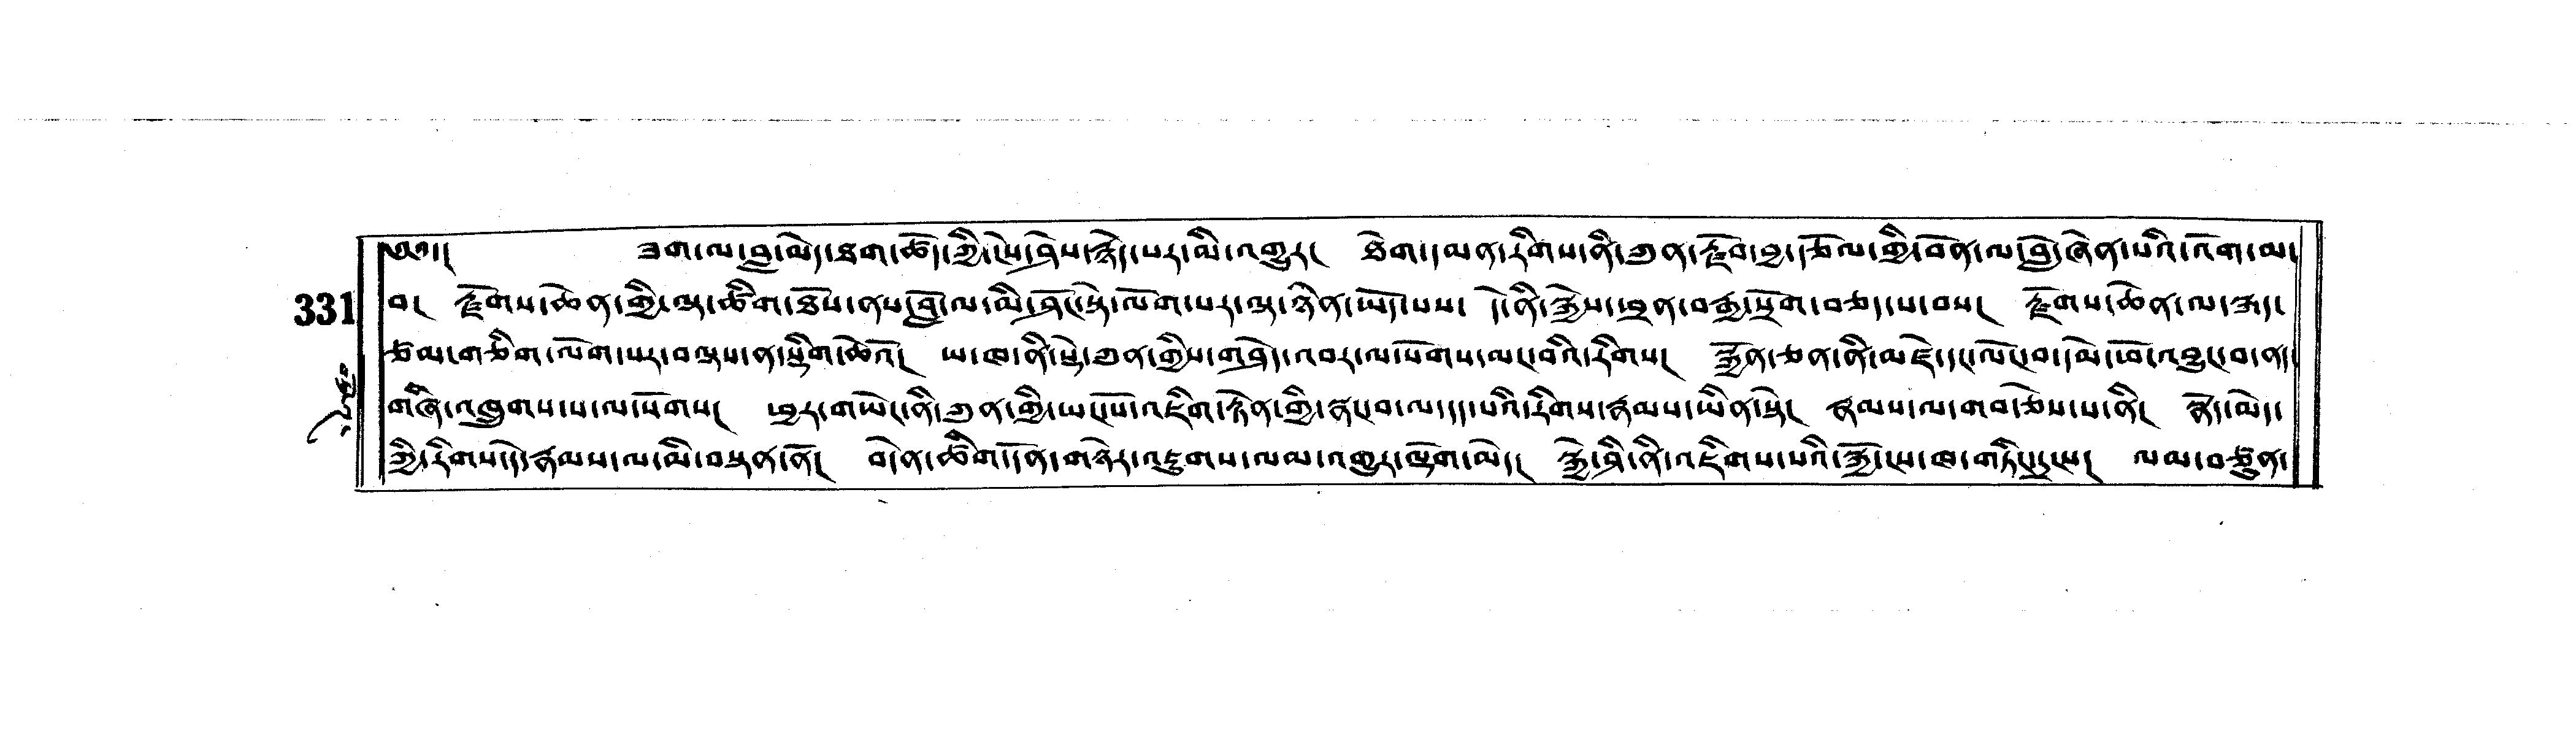ཟག་ལ་བླ་མེད་ཐག་ཆོད་ཀྱི་ངེས་ཤེས་རྙེད་པར་མི་འགྱུར། ཐེག་དམན་རིགས་ནི་ཀུན་རྫོབ་བྱ་རྩོལ་གྱི་བོན་ལ་བློ་ཞེན་པའི་འོག་མ་
བ། རྫོགས་ཆེན་གྱི་ལྟ་ཚིག་ཐོས་ནས་བློ་ལ་མི་ཤོང་སྟེ་ལོག་པར་ལྟ་ཉེན་ཡོད་པས། དེ་ནི་སྐྱེས་ཕྲན་བརྒྱ་སྲོག་བཅད་པ་བས་རྫོགས་ཆེན་ལ་སྐད་
ཙམ་ཅིག་ལོག་པར་བལྟས་པས་སྡིག་ཆེའོ། ཡ་ཁ་ནི་སྡེ་ཀུན་གྱི་གཤེད་འབར་ལ་སོགས་མང་བའི་རིགས། སྐྱོན་ཅན་ནི་འཛེ་དང་ལོང་བ་དམེ་ཕོ་འབྱུང་བ་ནད་
གཞི་འཁྲུག་པ་ལ་སོགས། ཕྱར་གཡེང་ནི་ཀུན་གྱི་ཡང་པོ་འཇིག་རྟེན་གྱི་སྣང་བ་ལ་དད་པའི་རིགས་རྣམས་ཡིན་ཏེ། རྣམས་ལ་གབ་ཅེས་པ་ནི། སྣོད་མེད་
ཀྱི་རིགས་དེ་རྣམས་ལ་མི་བསྟན་ནོ། བདེན་ཚིག་དོན་གཉེར་འགྱུར་ལམ་འཇུག་ལྡོག་མེད། སྐྱེ་ཤི་ནི་འཇིགས་པའི་སྐྱོ་ངས་ཁ་གཏིང་དྲངས། ལམ་བཙུན་